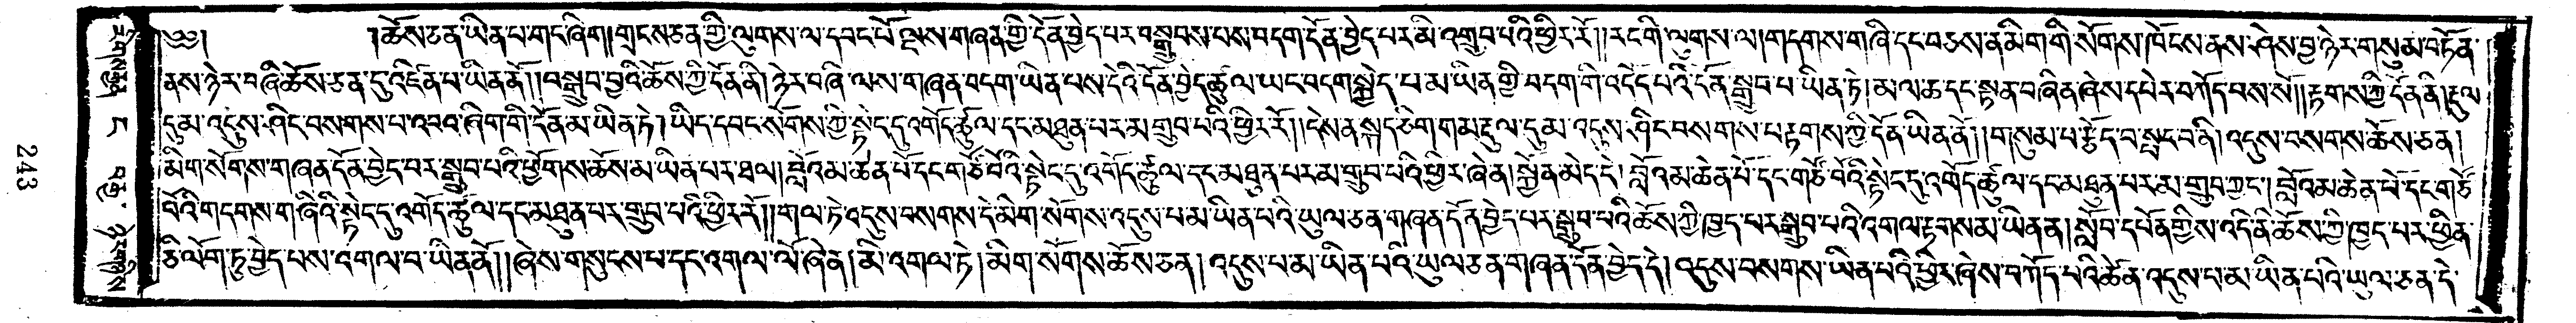༄༅། །ཆོས་ཅན་ཡིན་པ་གང་ཞིག །གྲངས་ཅན་གྱི་ལུགས་ལ་དབང་པོ་ལྔས་གཞན་གྱི་དོན་བྱེད་པར་བསྒྲུབས་པས་བདག་དོན་བྱེད་པར་མི་འགྲུབ་པའི་ཕྱིར་རོ། །རང་གི་ལུགས་ལ། གདགས་གཞི་དང་བཅས་ན་མིག་གི་སོགས་ཁོངས་ནས་ཤེས་བྱ་ཉེར་གསུམ་བཏོན་
ནས་ཉེར་བཞི་ཆོས་ཅན་དུ་འཛིན་པ་ཡིན་ནོ། །བསྒྲུབ་བྱའི་ཆོས་ཀྱི་དོན་ནི། ཉེར་བཞི་ལས་གཞན་བདག་ཡིན་པས་དེའི་དོན་བྱེད་ཚུལ་ཡང་བདག་སྐྱེད་པ་མ་ཡིན་གྱི་བདག་གི་འདོད་པའི་དོན་སྒྲུབ་པ་ཡིན་ཏེ། མལ་ཆ་དང་སྟན་བཞིན་ཞེས་དཔེར་བཀོད་པས་སོ། །རྟགས་ཀྱི་དོན་ནི། རྡུ་
དུ་མ་འདུས་ཤིང་བསགས་པ་འབའ་ཞིག་གི་དོན་མ་ཡིན་ཏེ། ཡིད་དབང་སོགས་ཀྱི་སྟེང་དུ་འགོད་ཚུལ་དང་མཐུན་པར་མ་གྲུབ་པའི་ཕྱིར་རོ། །དེས་ན་སྐད་ཅིག་གམ་རྡུལ་དུ་མ་འདུས་ཤིང་བསགས་པ་རྟགས་ཀྱི་དོན་ཡིན་ནོ། གསུམ་པ་རྩོད་པ་སྤང་བ་ནི། འདུས་བསགས་ཆོས་ཅན།
མིག་སོགས་གཞན་དོན་བྱེད་པར་སྒྲུབ་པའི་ཕྱོགས་ཆོས་མ་ཡིན་པར་ཐལ། བློའམ་ཆེན་པོ་དང་གཙོ་བོའི་སྟེང་དུ་འགོད་ཚུལ་དང་མཐུན་པར་མ་གྲུབ་པའི་ཕྱིར་ཞེ་ན། སྐྱོན་མེད་དེ། བློའམ་ཆེན་པོ་དང་གཙོ་བོའི་སྟེང་དུ་འགོད་ཚུལ་དང་མཐུན་པར་མ་གྲུབ་ཀྱང་། བློའམ་ཆེན་པོ་དང་གཙོ་
བོའི་?་གདགས་གཞིའི་སྟེང་དུ་འགོད་ཚུལ་དང་མཐུན་པར་གྲུབ་པའི་ཕྱིར་རོ། །གལ་ཏེ་འདུས་བསགས་དེ་མིག་སོགས་འདུས་པ་མ་ཡིན་པའི་ཡུལ་ཅན་གཞན་དོན་བྱེད་པར་སྒྲུབ་པའི་ཆོས་ཀྱི་ཁྱད་པར་སྒྲུབ་པའི་འགལ་རྟགས་མ་ཡིན་ན། སློབ་དཔོན་གྱིས་འདི་ནི་ཆོས་ཀྱི་ཁྱད་པར་ཕྱིན་
ཅི་ལོག་ཏུ་བྱེད་པས་འགལ་བ་ཡིན་ནོ། །ཞེས་གསུངས་པ་དང་འགལ་ལོ་ཞེ་ན། མི་འགལ་ཏེ། མིག་སོགས་ཆོས་ཅན། འདུས་པ་མ་ཡིན་པའི་ཡུལ་ཅན་གཞན་དོན་བྱེད་དེ། འདུས་བསགས་ཡིན་པའི་ཕྱིར་ཞེས་བཀོད་པའི་ཚེ་ན་འདུས་པ་མ་ཡིན་པའི་ཡུལ་ཅན་དེ་